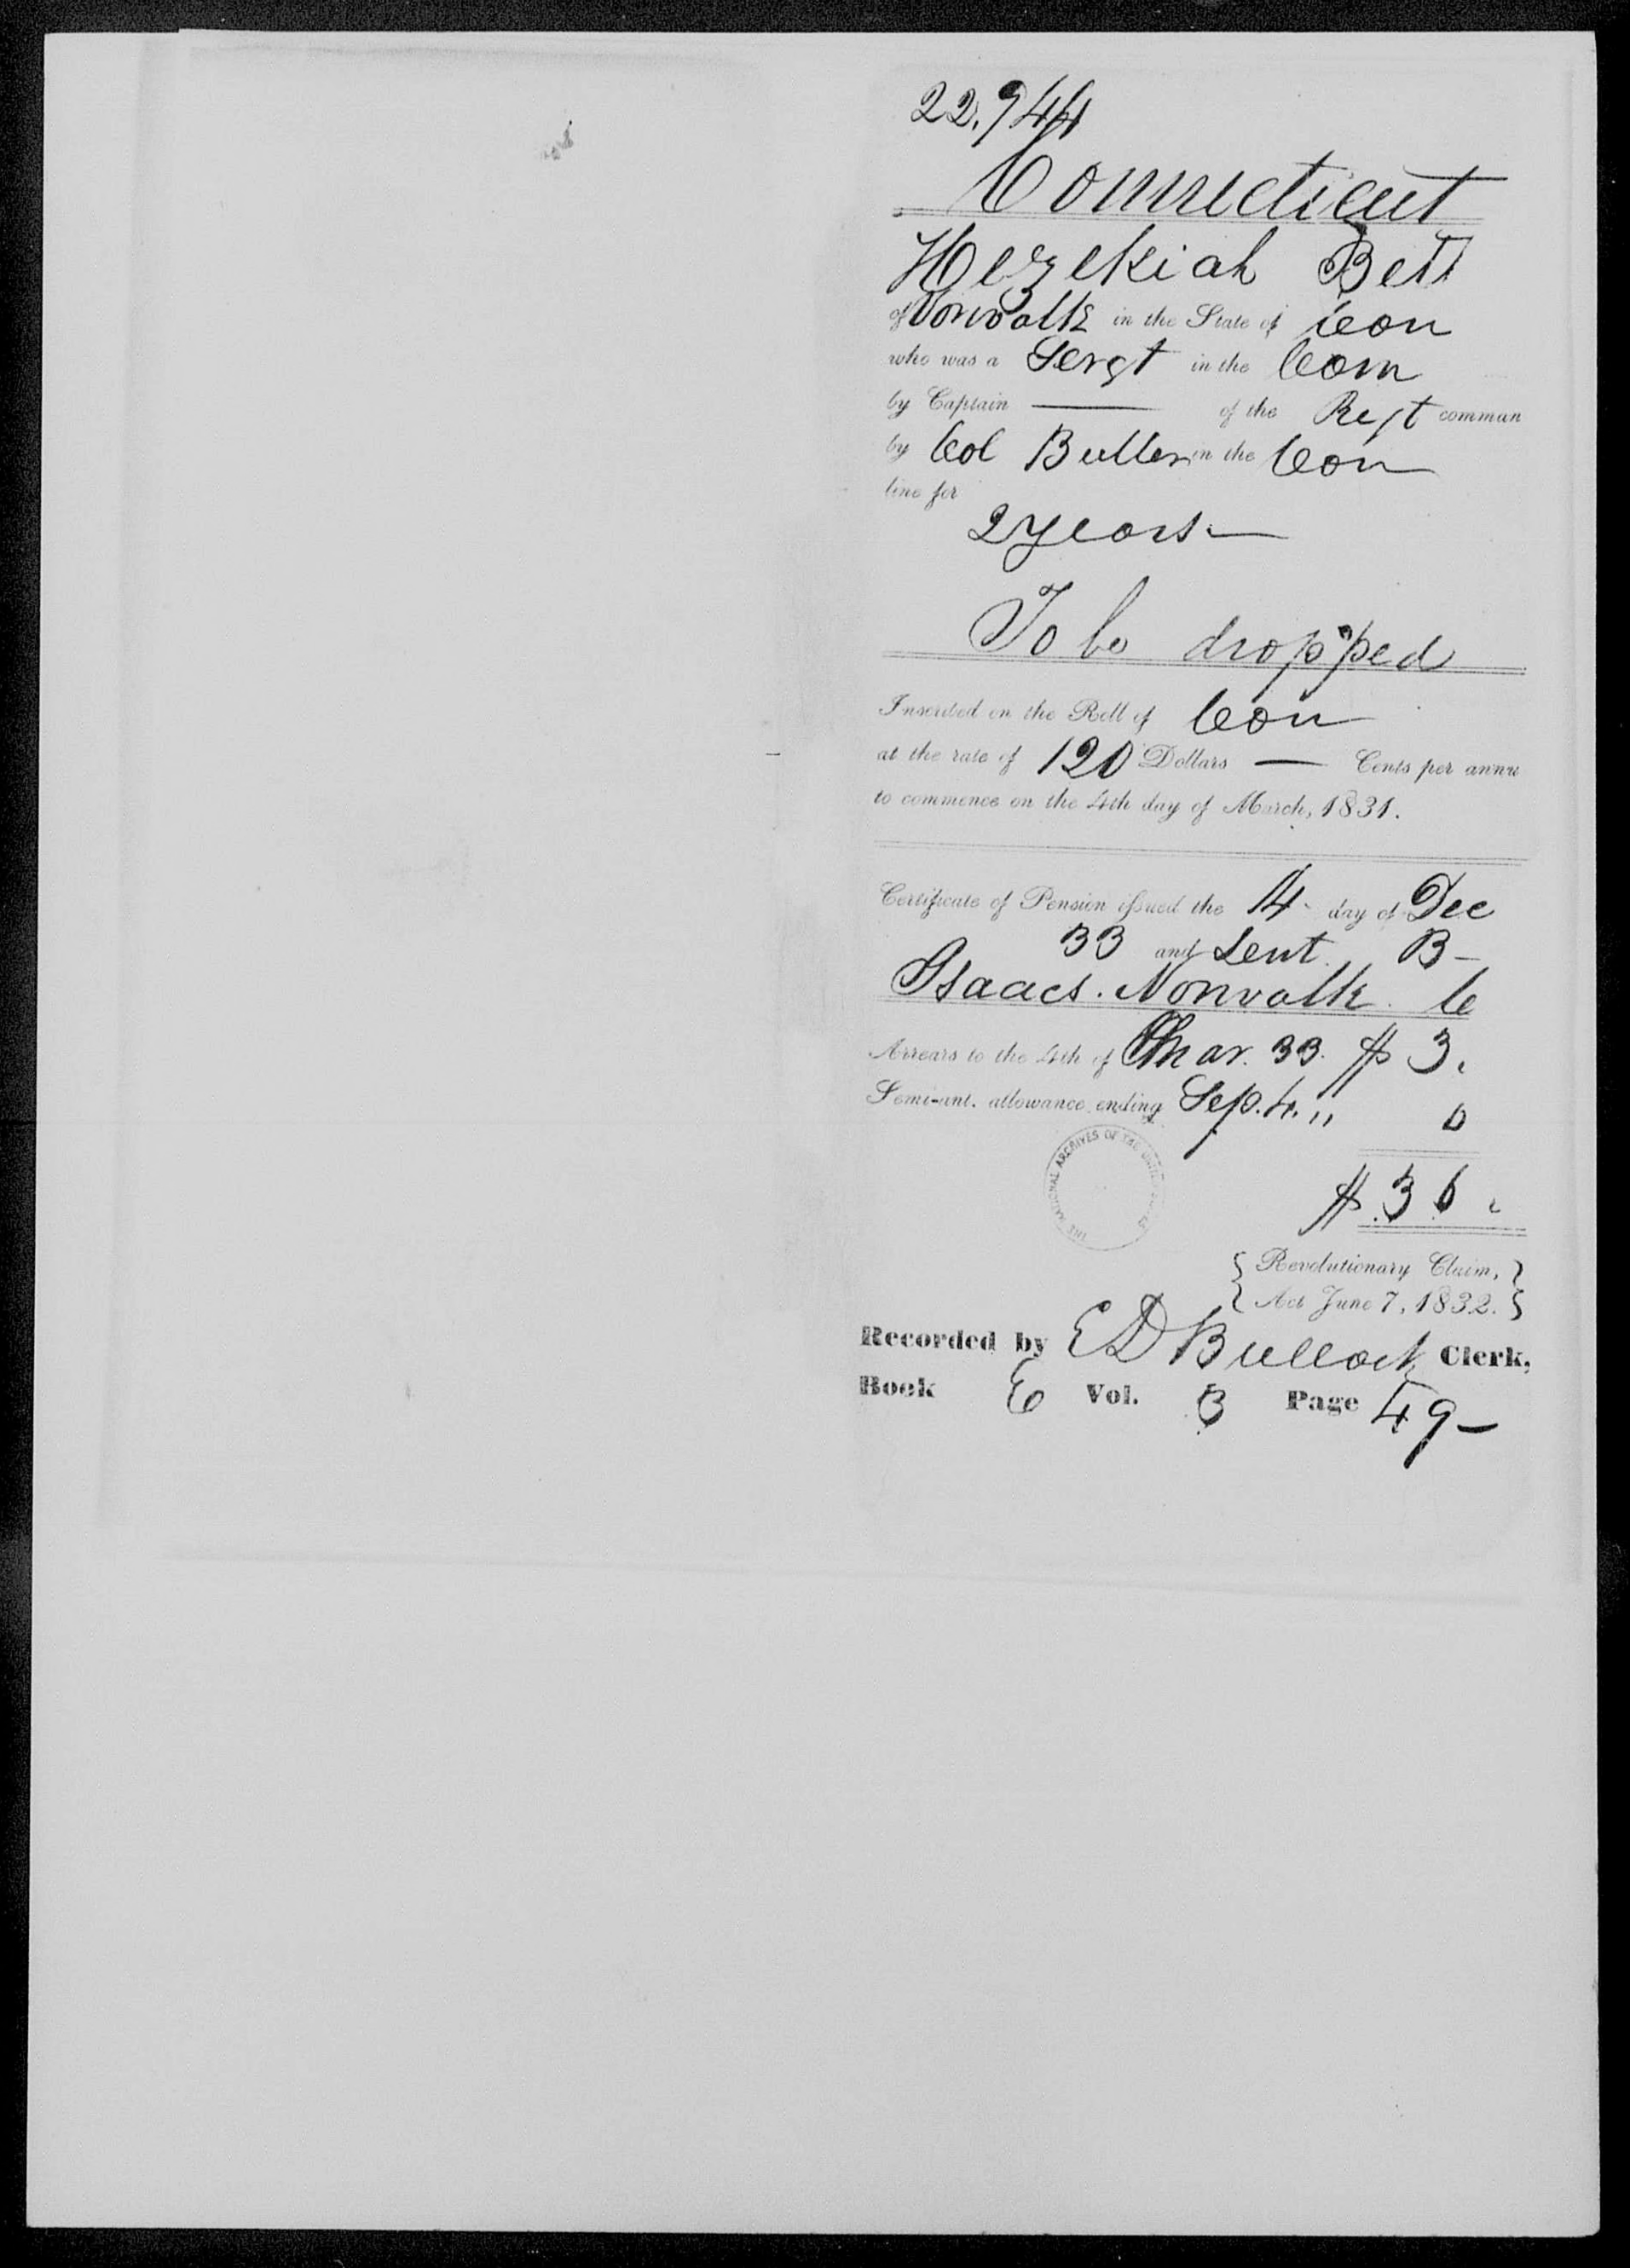22.944 
Connecticut
Hezekiah Betts
of Norwalk in the State of Conn. who was a Sergt in the Com. by Captain ______ of the Regt. commanded by Col. Butler in the Conn. Line for 2 years

To be dropped

Inscribed on the Roll of Conn at the rate of 120 Dollars _____ Cents per annum to commence on the 4th day of March, 1831. 

Certificate of Pension issued the 14 day of Dec. '33 and Sent B- Gracies Nonvalle te

Arrears to the 4th of Mar. 33 $30.
Semi-anl. allowance ending Sept. $6
Total: $36.00
{Revolutionary Claim, 
Act June 7, 1832}

Recorded by E.D. Bullock Clerk
Book E Vol. 3 Page 49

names: B Isaacs, Butler, Hezekiah Bett, E D Bullock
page: 3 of 61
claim: widow's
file: W. 29,929, Hezekiah Betts, Conn.